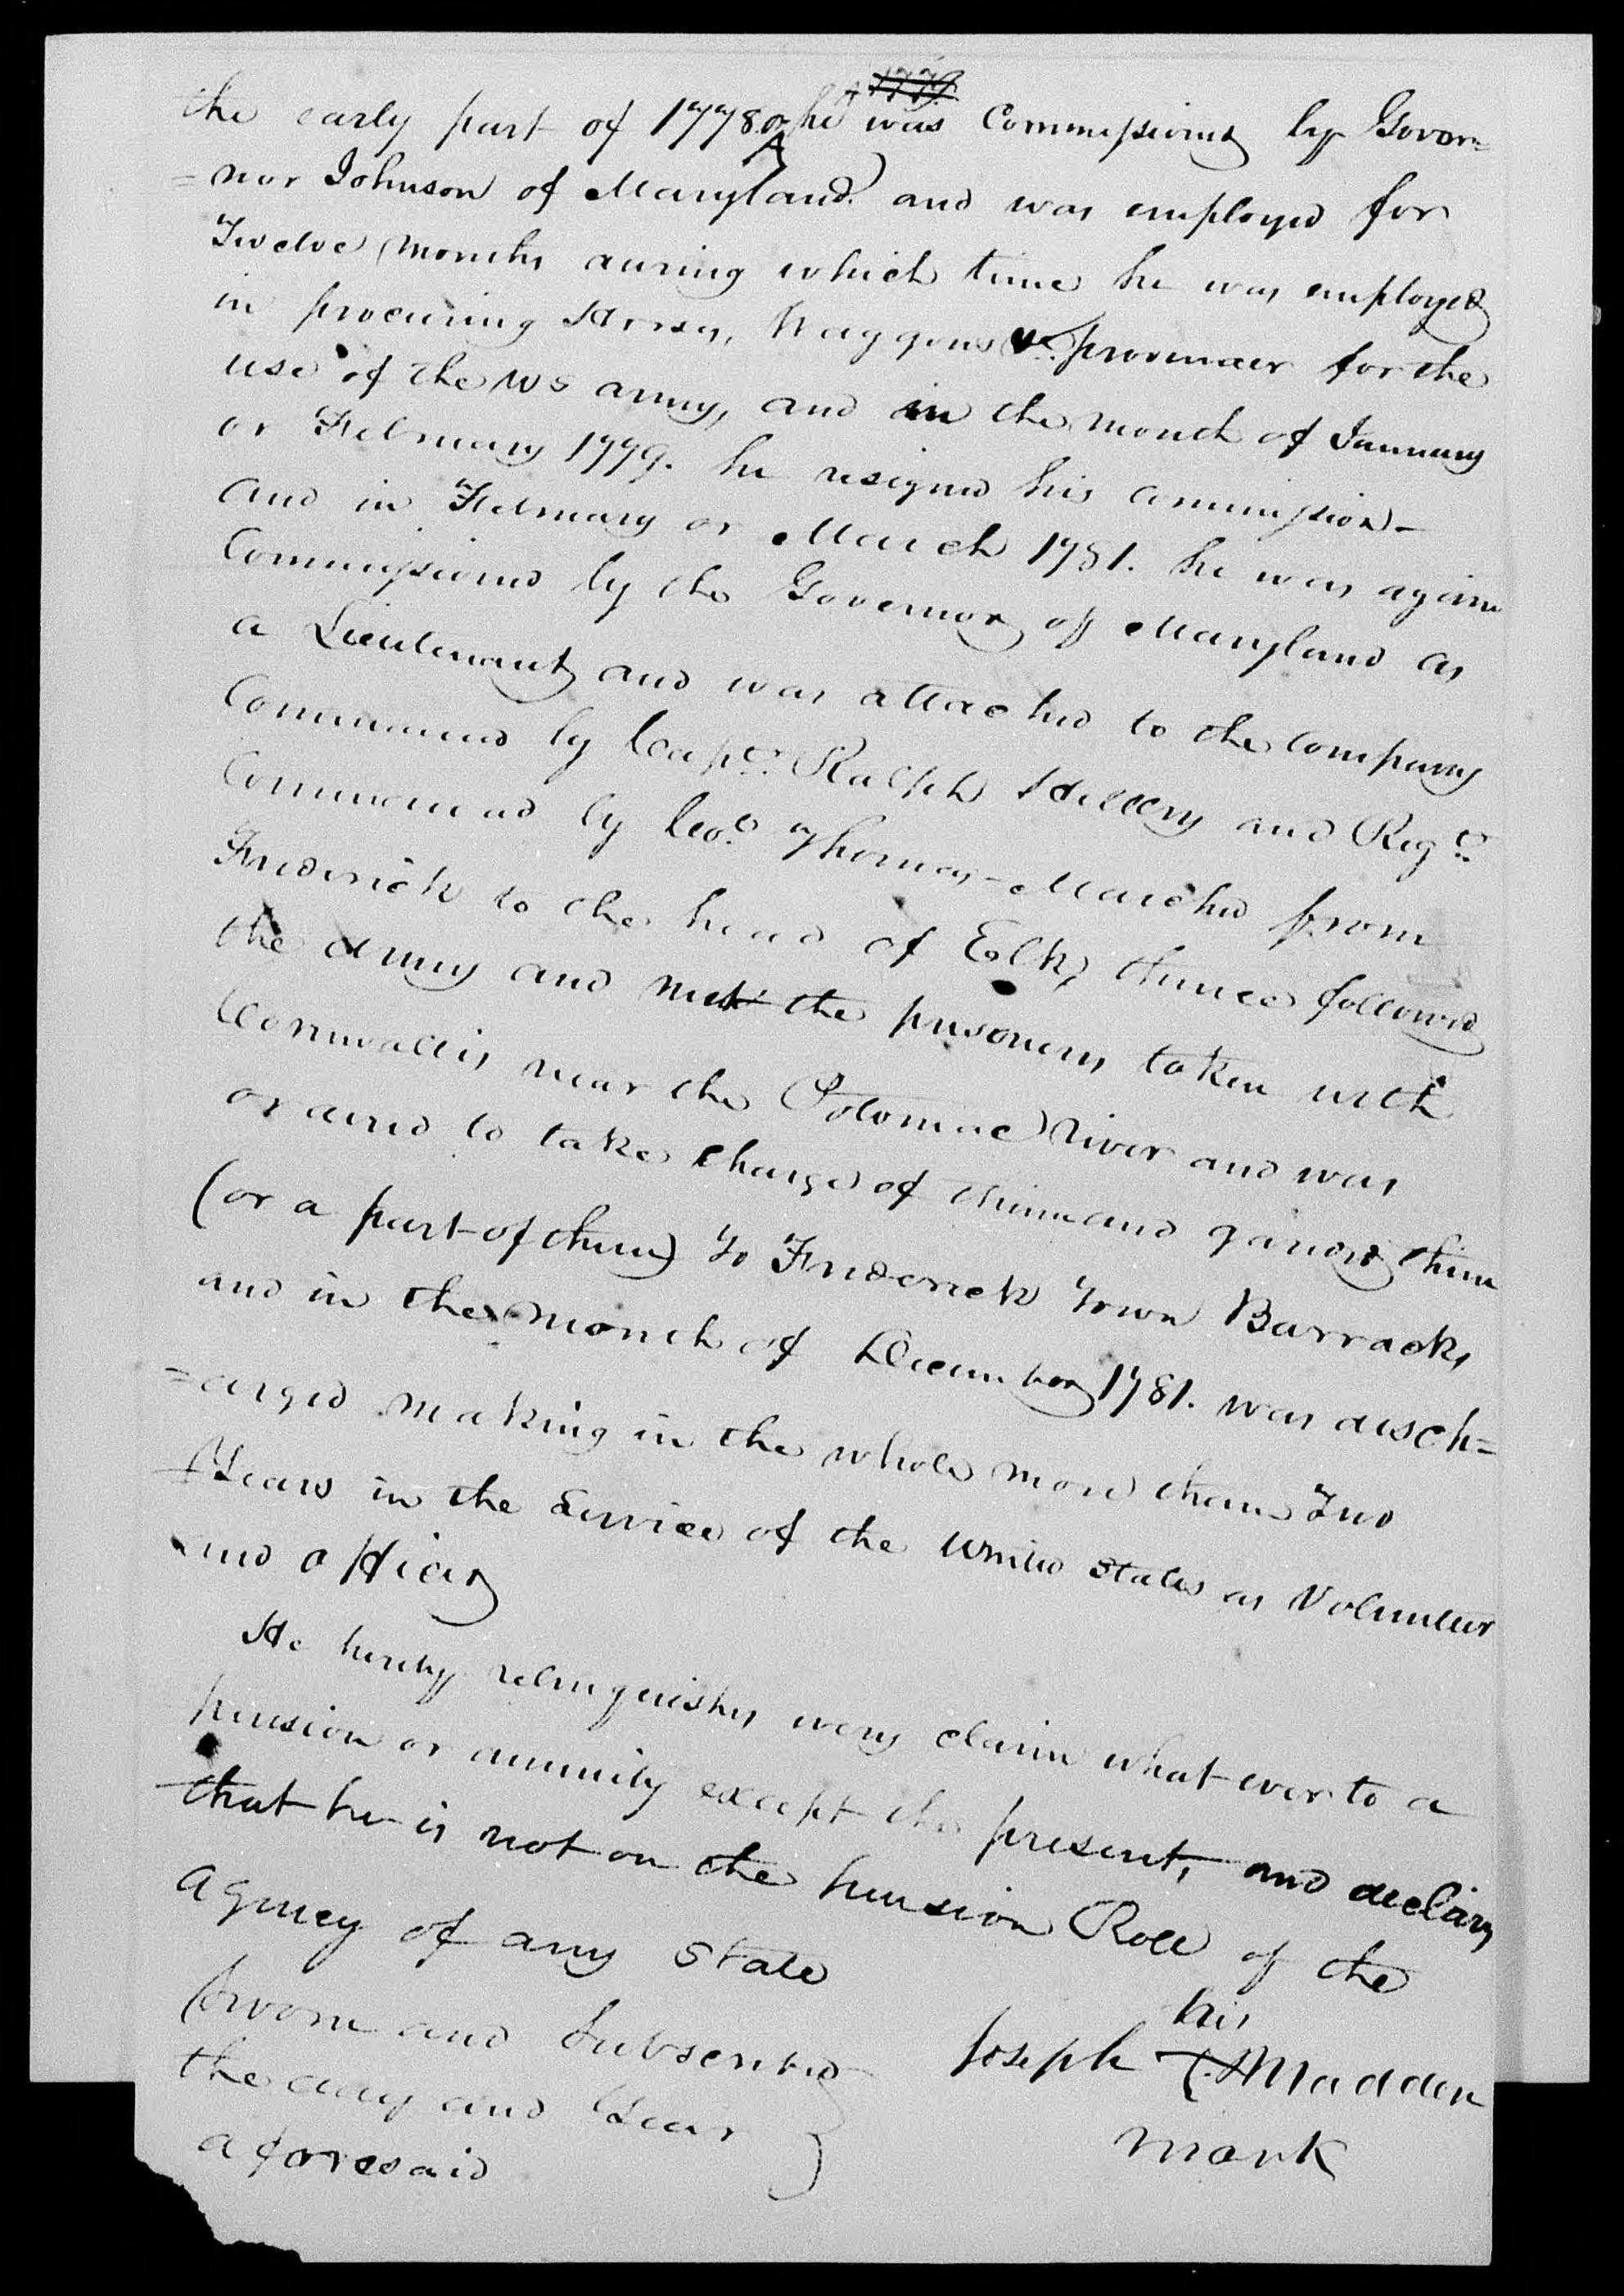the early part of 1778 he was commissioned by Governor Johnson of Maryland and was employed for Twelve months during which time he was employed in procuring [illegible]
for the use of the US army, and in the month of January or February 1779 he resigned his commission. And in February or March 1781 he was again commissioned by the Governor of Maryland as a Lieutenant and was attached to the company commanded by Capt Ralph [illegible] dillery and Regiment commanded by [illegible] Thomas -  Marched from Frederick to the head of Elk , thence following the army and met the prisoners taken with [illegible], near the Potomac River and was ordered to take charge of them and giving them (or part of them)to Frederick Town Barrack, and in the month of December 1781 was discharged making in the whole more than two [illegible] in the service of the United States as Volunteer and a [illegible]
He hereby relinquishes every claim whatever to a pension or amenity except this present, and declares that he is not on the pension Roll of the agency of any State
Sworn and Subscribed the day and year aforesaid
[illegible],
Joseph Madden
Mark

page: 4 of 14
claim: survivor's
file: S 31237, for Joseph Maddin, Maryland